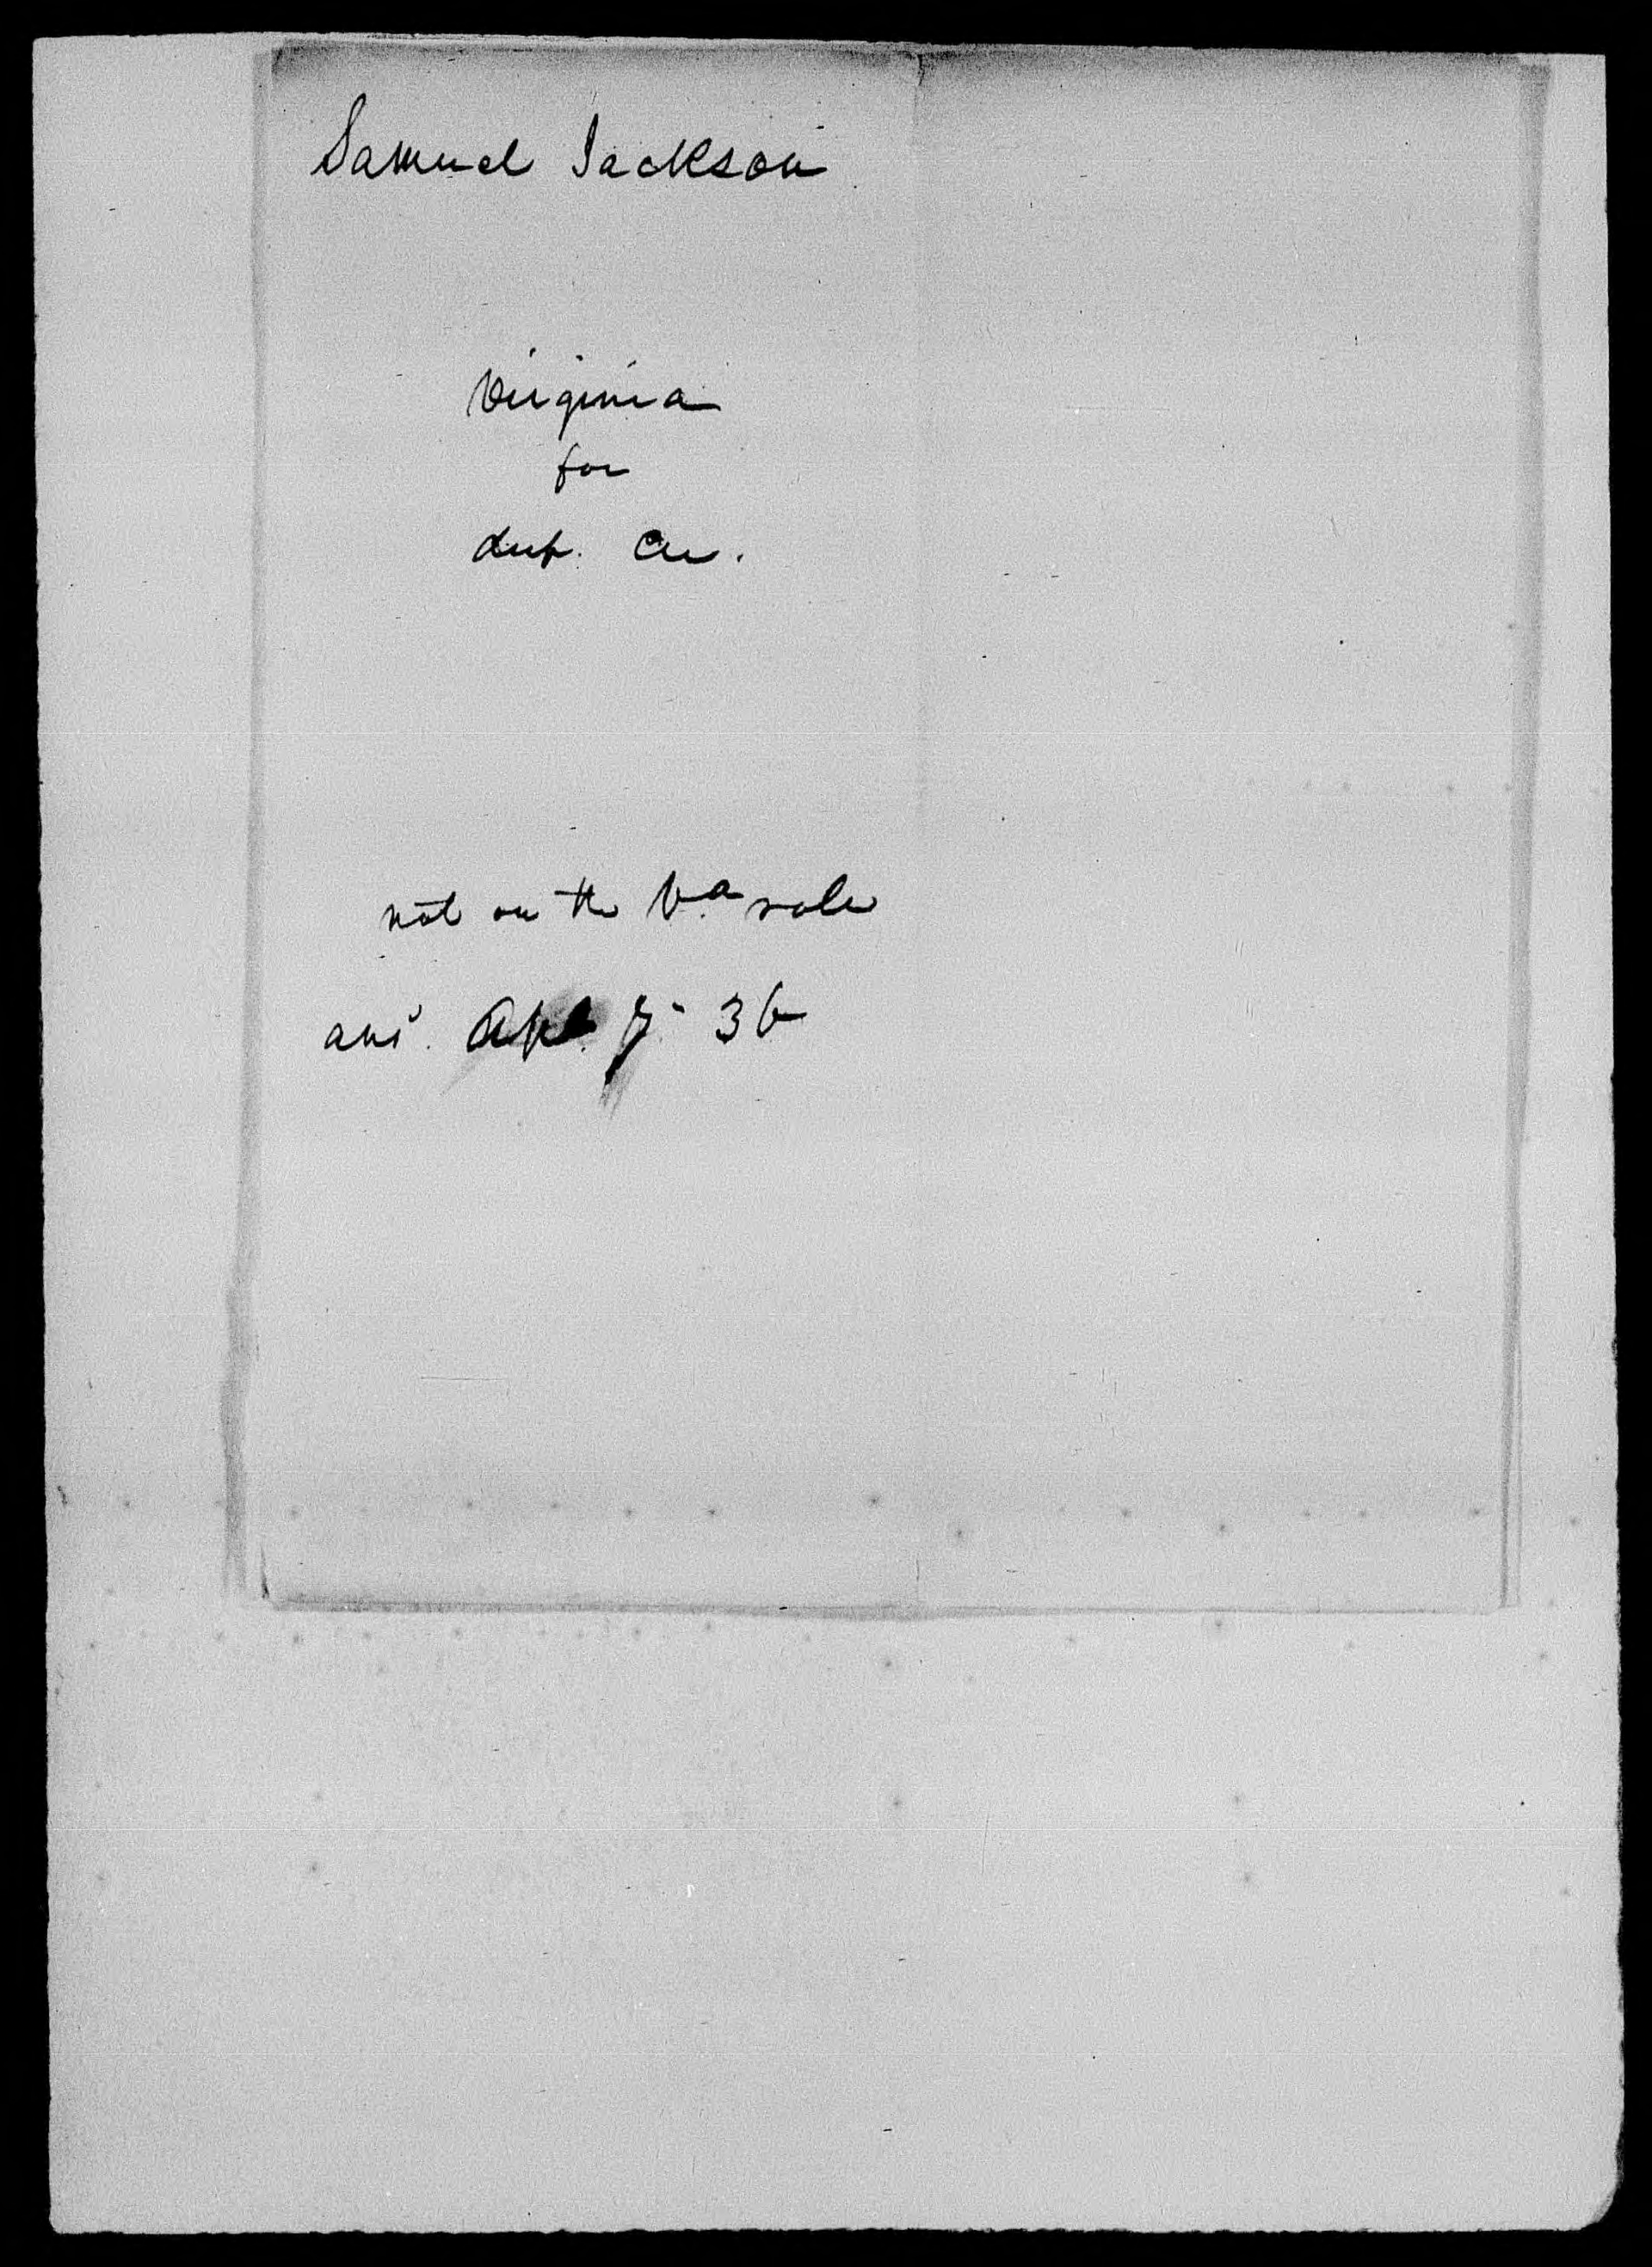Samuel Jackson

Virginia
for
duf. cu.

not on the Va roll
aur [Illegible] 7- 36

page: 23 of 56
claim: rejected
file: R 5529, for Samuel Jackson, Virginia